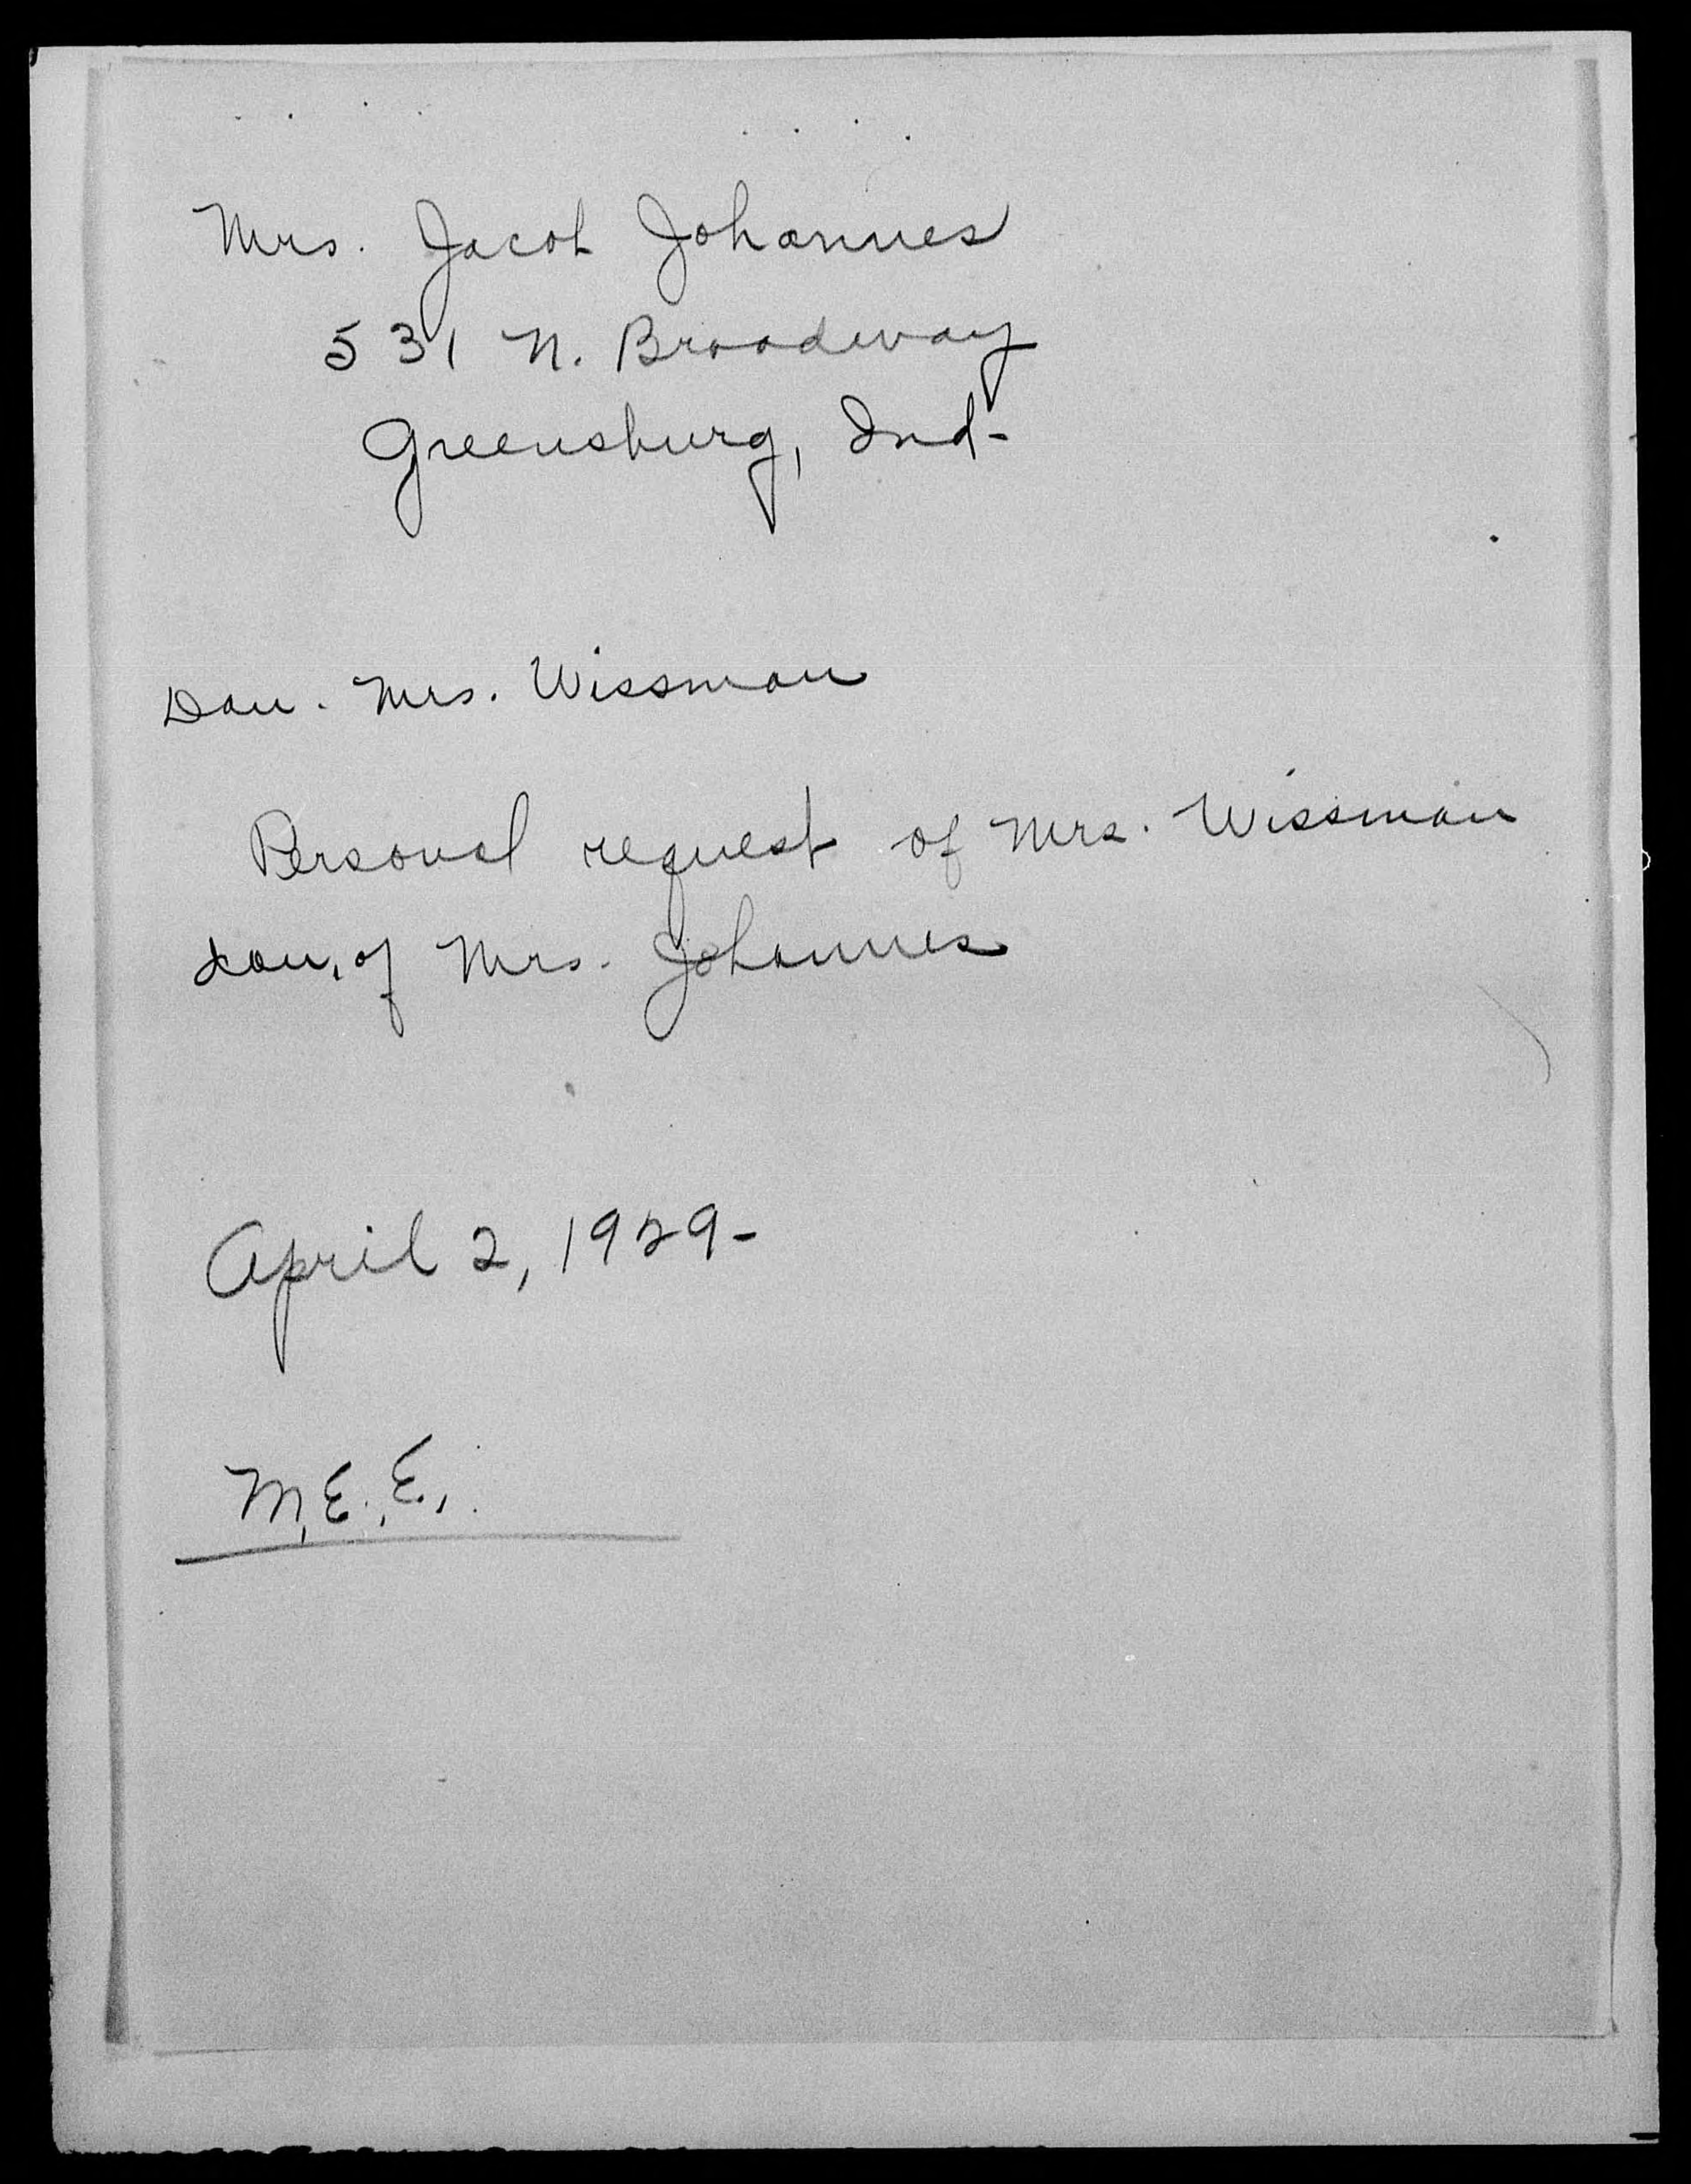Mrs. Jacob Johannes
531 N. Broadway
Greensburg, Ind-
Dear. Mrs. Wissman
Personal request of Mrs. Wissman
dau. of Mrs. Johannes

April 2, 1929
M, E,E ,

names: Johannes, Wissman, Jacob Johannes, Wissman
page: 44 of 81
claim: survivor's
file: S. 1908, Richard Harper, N.C.